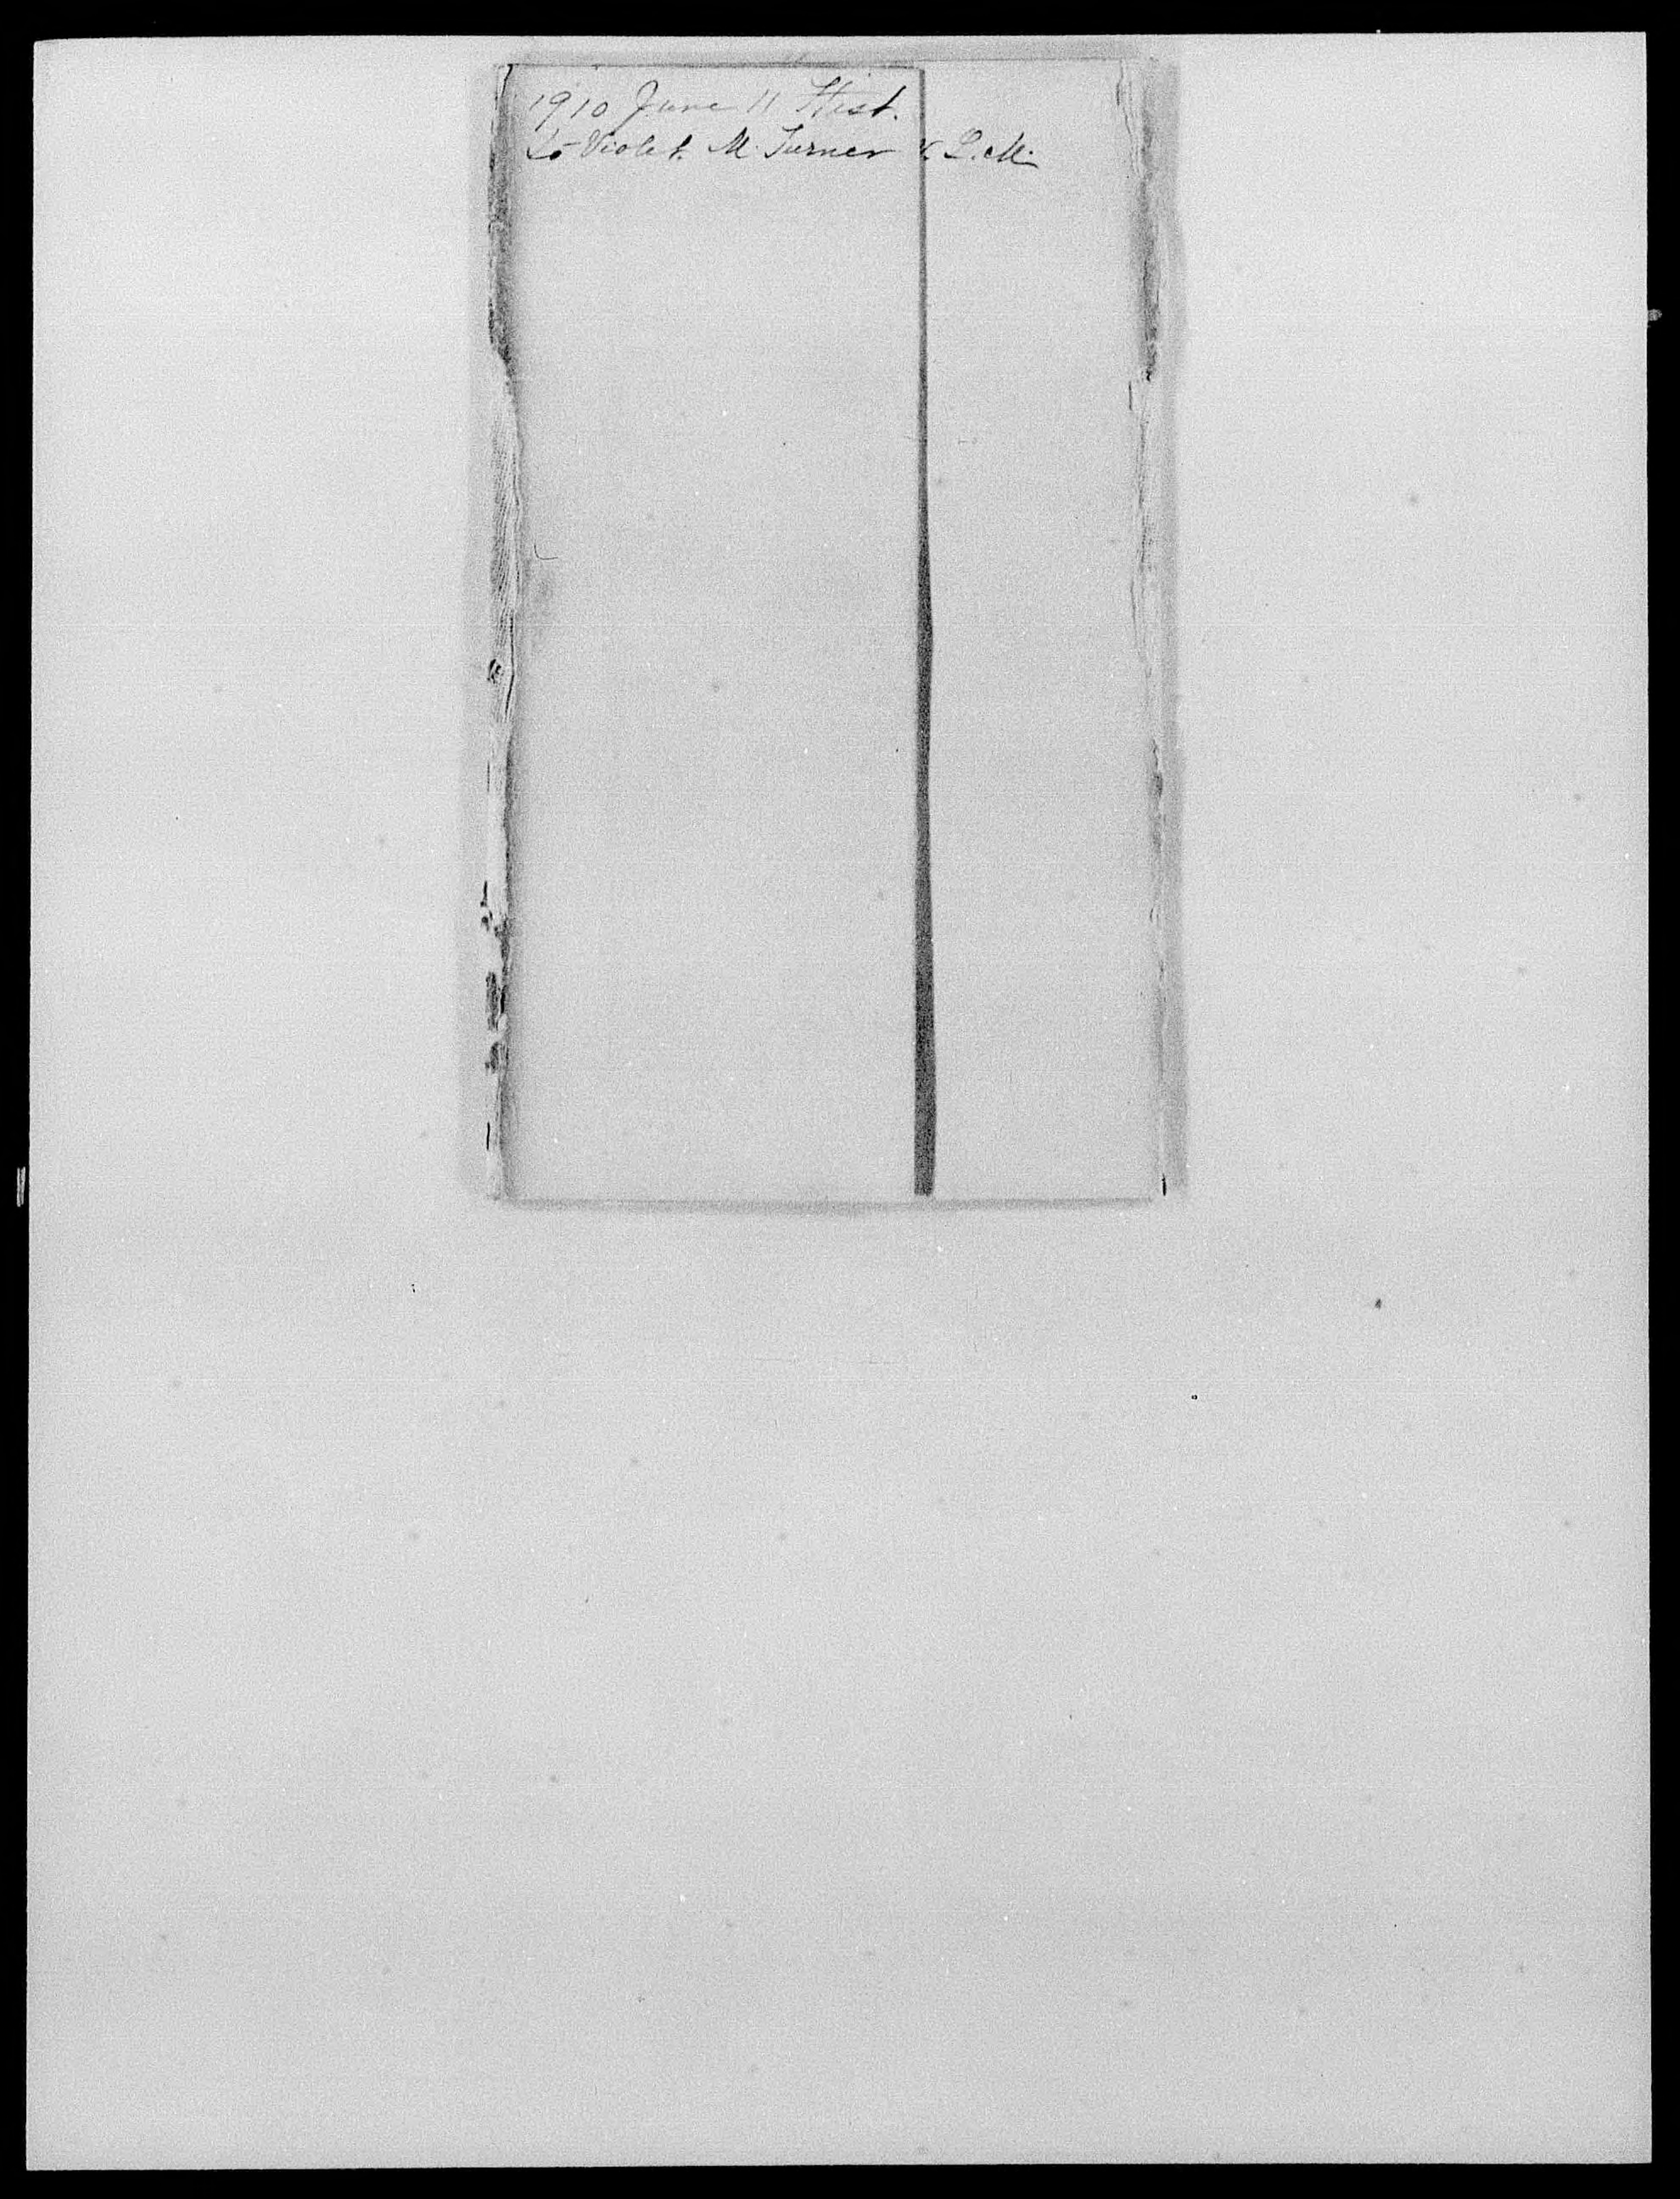1910 June 11 Hist
to Violet M. Turner
L.M.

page: 11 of 13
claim: survivor's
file: S. 41806, for Henry Main, Maryland